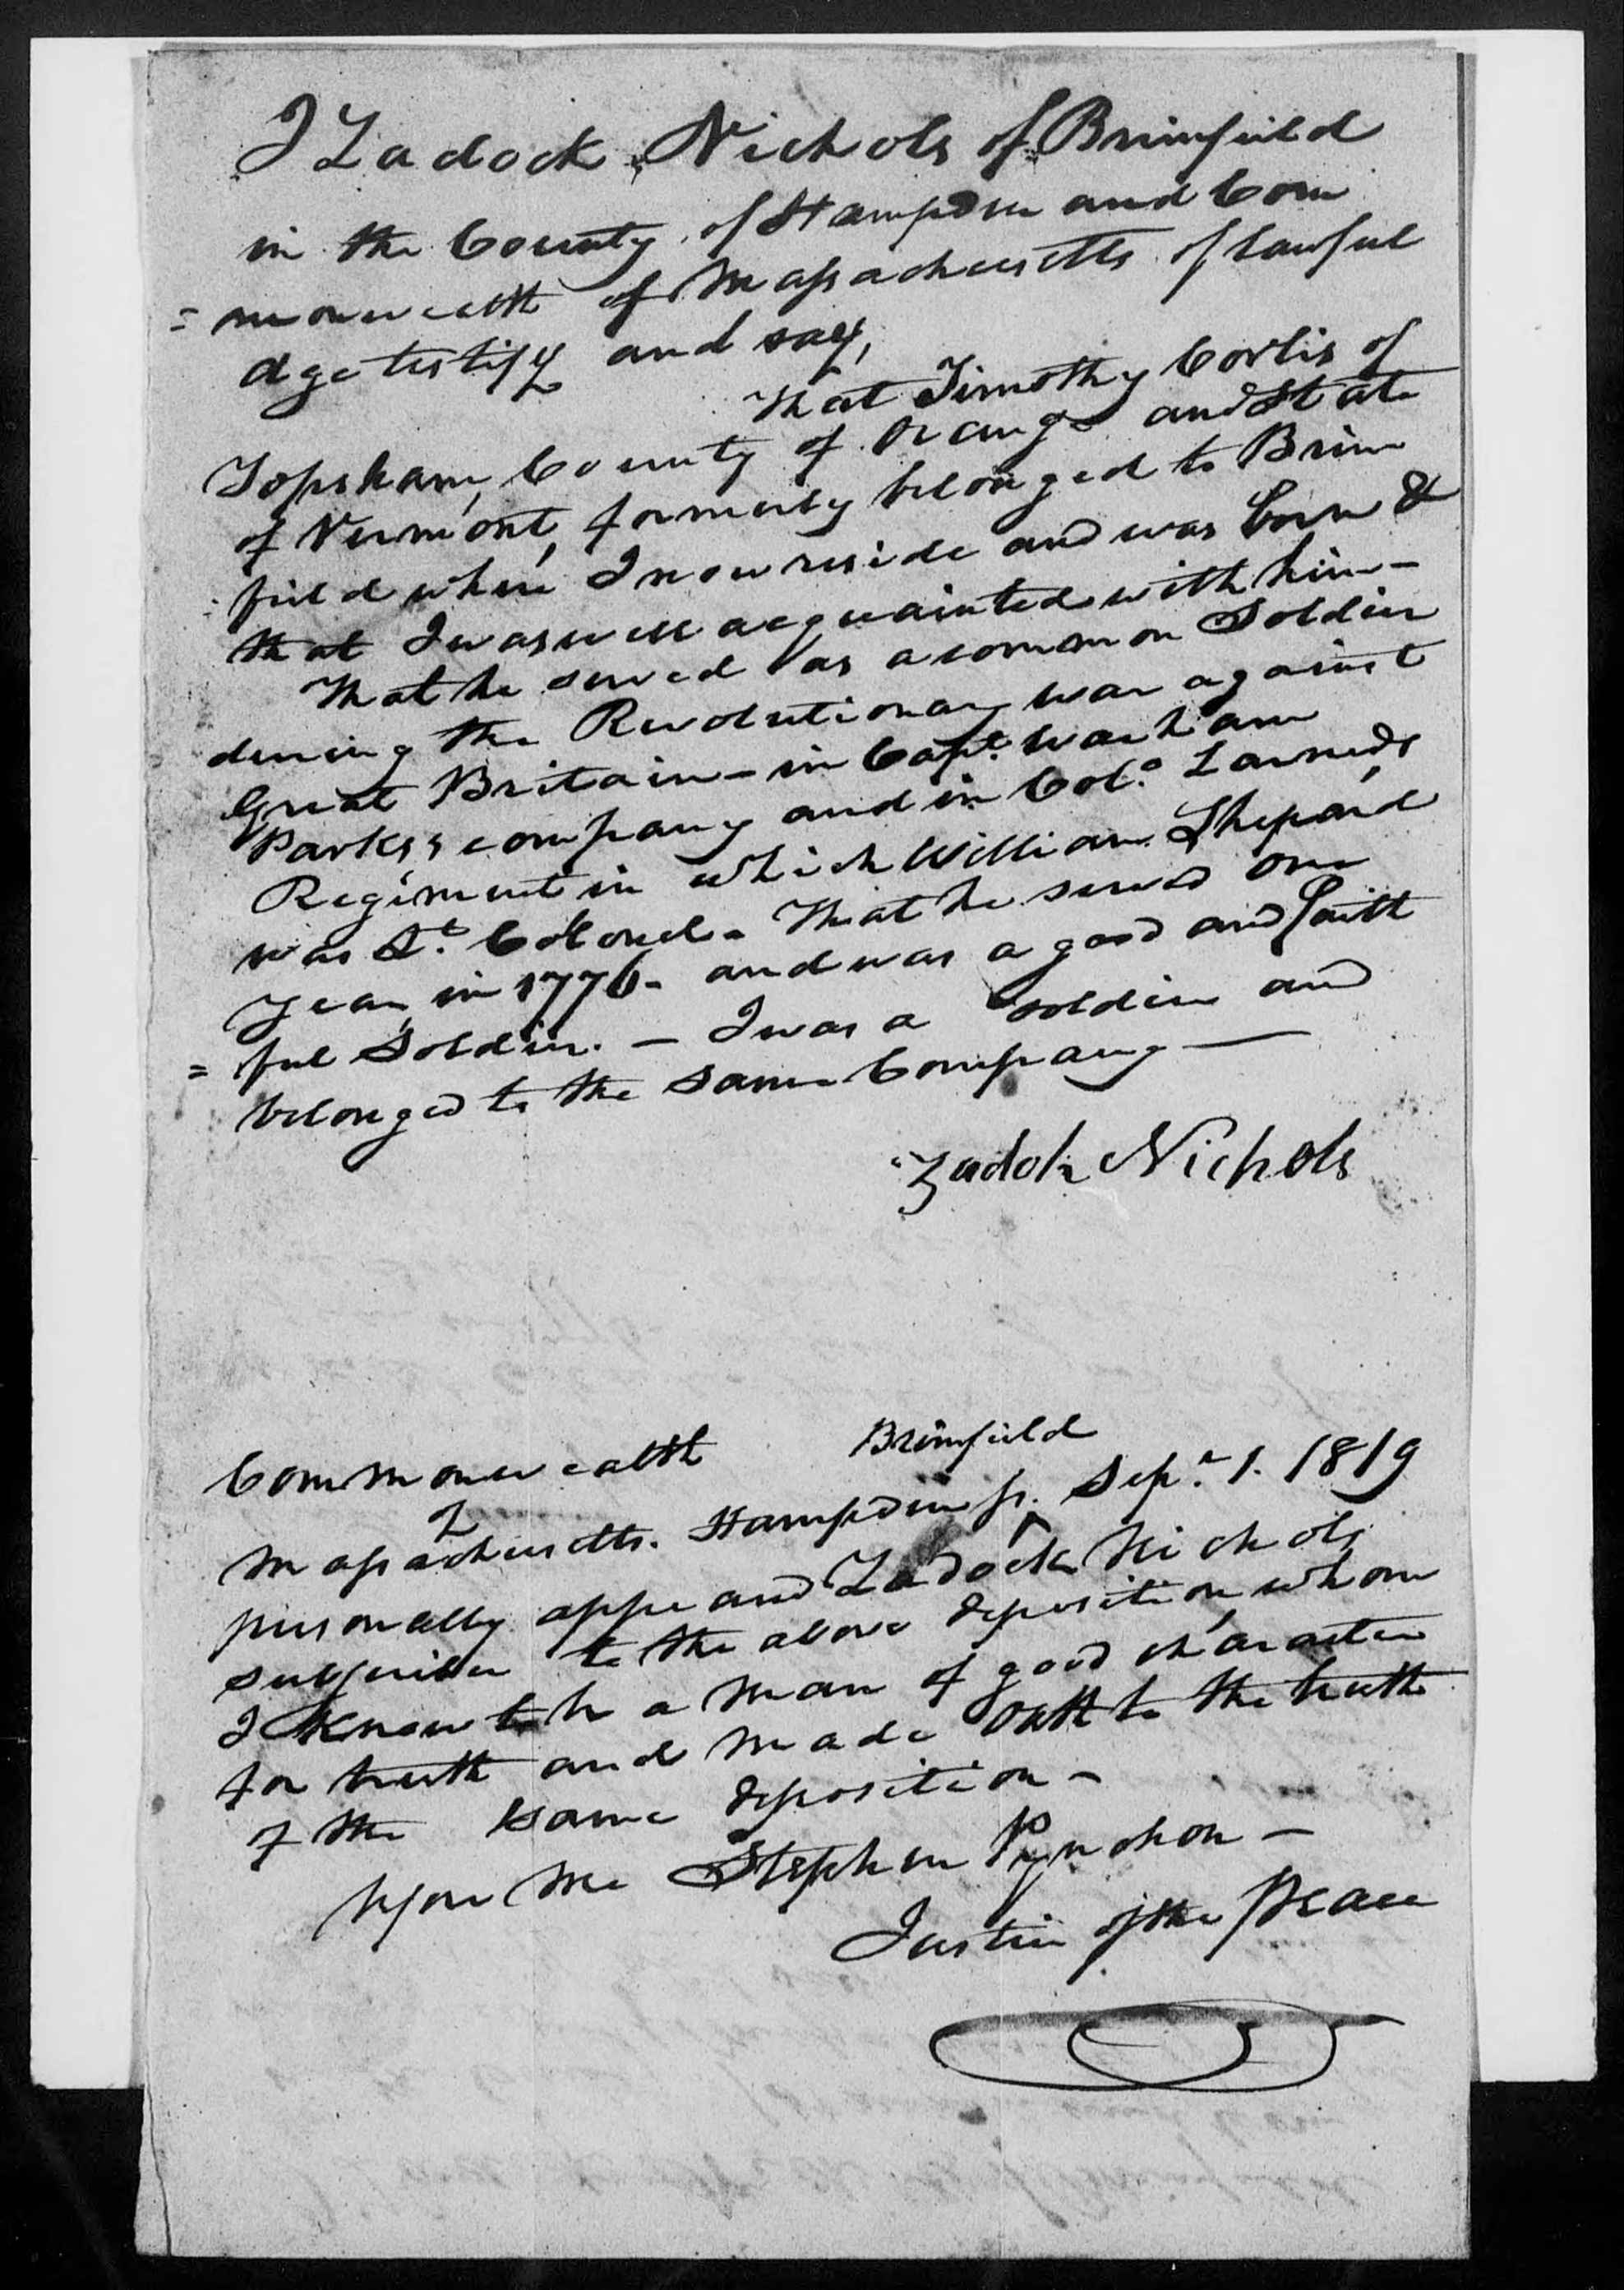I, Zadock Nichols of Brimfield
in the County of Hampden and Commonwealth
of Massachusetts of Lawful age testify and say that Timothy Corlis of Topham County of Orange and State of Vermont, formerly belonged to Brimfield where I now reside and was born and that I was well acquainted with him-
that he served as a common Soldier
during the Revolutionary war against
Great Britain in Captain Warham
Parks company and in Colonel Barnard’s regiment
in which William Shepard was Lieutenant Colonel. That he served 
One year in 1776 and was a good and faithful soldier. I was a
Soldier and belonged to the same Company
Zadok Nichols

Commonwealth of Massachusetts Hampshire Ss.
Brimfield
September 1. 1819
Personally appeared Zadock Nichols subscriber
to the above deposition whom I know to be a man of
good character for truth and made oath to the truth
of the same deposition
Before me Stephen Pynchon-
Justice of the peace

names: Stephen Pynchon, Zadock Nichols, Zadok Nichols, William Shepard, Timothy Corlis, Warham Parks, Zadock Nichols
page: 28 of 34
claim: widow's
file: W. 20,896, Timothy Corless, Continental Mass